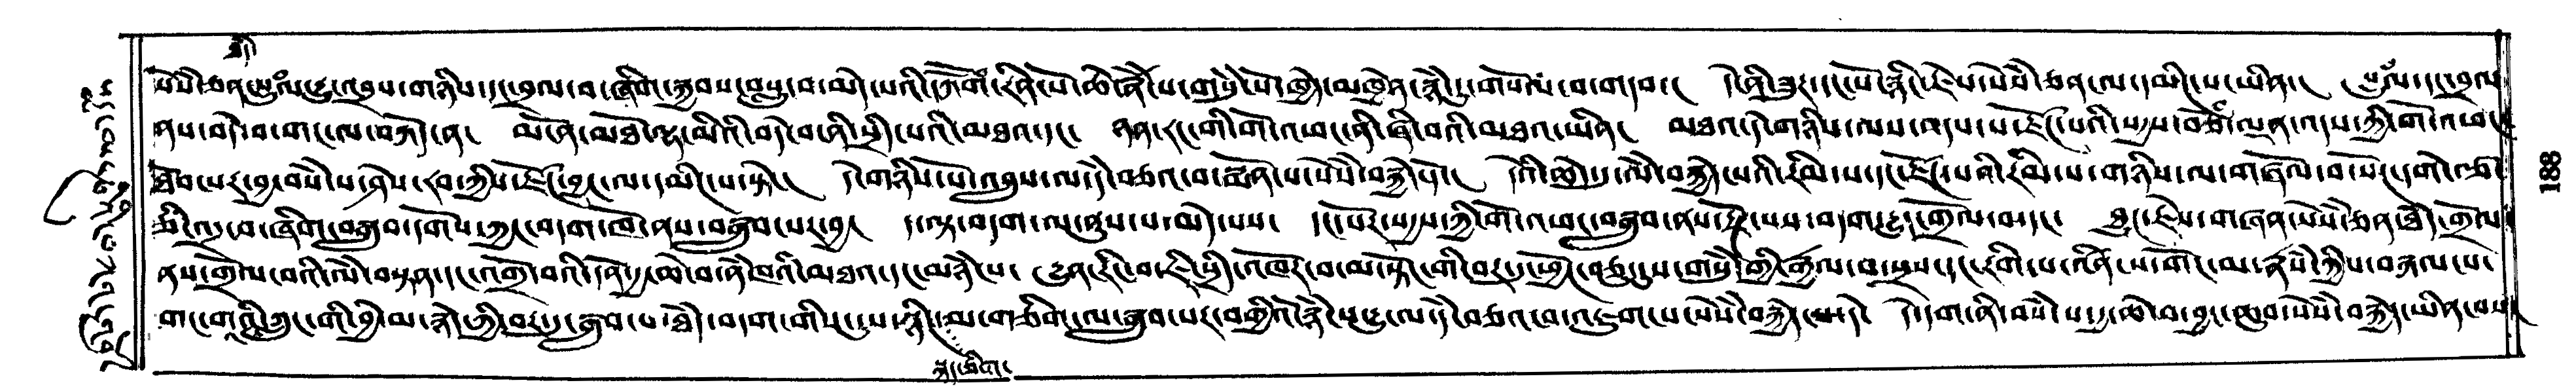།སེམསཅན་ཐམས་ཅད་སྡུག་བསྔལ་རྒྱུ་འབྲས་གཉིས་དང་བྲལ་བ་ཞིག་སྐྱབས་བསླུ་བ་མེད་པའི་དཀོན་མཆོག་རིན་པོ་ཆེ་རྣམ་པ་གསུམ་པོ་ཁྱེད་མཁྱེན་སྙམ་དུ་གསོལ་བ་གདབ། དེ་ནི་ཟུར་དང་པོ་སྙིང་རྗེས་སེམས་ཅན་ལ་དམིགས་པ་ཡིན། སྡུག་བསྔལ་དང་བྲལ་
ནས་བདེ་བ་གང་ལ་བཀོད་ན། མངོན་མཐོ་ལྷ་མིའི་བདེ་བ་ནི་སྲིད་པའི་མཐའ་དང་། ཉན་རང་གི་གོ་འཕང་ནི་ཞི་བའི་མཐའ་ཡིན། མཐའ་དེ་གཉིས་ལས་འདས་པ་རྫོགས་པའི་སངས་རྒྱས་བཅོམ་ལྡན་འདས་ཀྱི་གོ་འཕང་
ཐོབ་པར་བྱ་བསམ་པ་ཤེས་རབ་ཀྱིས་རྫོགས་བྱང་ལ་དམིགས་པ་སྟེ། དེ་གཉིས་པོ་འབྲས་བུ་ལ་དམ་བཅའ་བ་སྨོན་པ་སེམས་བསྐྱེད་དོ།། དེའི་ཆེད་དུ་ལམ་བསྐྱེད་པའི་རིམ་པ་དང་རྫོགས་པའི་རིམ་པ་གཉིས་ལ་གཞོལ་བ་སོགས་དགེ་རྩ་
ཅི་འདྲ་བ་ཞིག་བསྒྲུབ་དགོས་ཀྱང་བདག་ཁོ་ནས་བསྒྲུབ་པར་བྱ། ད་ལྟ་བདག་ལ་ནུས་པ་མེད་པས། དང་པོར་སངས་རྒྱས་ཀྱི་གོ་འཕང་བསྒྲུབ་ནས་རྟོགས་པས་བདག་རྒྱུད་གྲོལ་བ་དང་། ཐུགས་རྗེས་གཞན་སེམས་ཅན་ཐམས་ཅད་ལ་གྲོལ་
ནས་གྲོལ་བའི་ལམ་བསྟན་ཏེ་འགྲོ་བའི་དོན་རྒྱ་ཆེ་བ་ནམ་མཁའི་མཐའ་དང་མཉམ་པ། རྒྱུན་རིང་བ་ཇི་སྲིད་འཁོར་བ་མ་སྟོང་གི་བར་དུ་ཕྱོགས་བཅུ་དུས་གསུམ་གྱི་རྒྱལ་བ་སྲས་བཅས་དང་རིག་པ་འཛིན་པ་གོང་མ་རྣམས་ཀྱིས་སྐལ་པ་
གང་གཱའི་ཀླུང་གི་བྱེ་མ་སྙེད་ཀྱི་བར་དུ་སྒྲུབ་པ་ཐམས་ཅད་བདག་གིས་དུས་སྙིགས་མ་སྐད་ཅིག་མ་གཅིག་ལ་སྒྲུབ་པར་བགྱིའོ་སྙམ་པ་རྒྱུ་ལ་དམ་བཅའ་བ་འཇུག་པ་སེམས་བསྐྱེད་དེ།དེ་དག་ནི་བསམ་པ་རྒྱ་ཆེ་བ་བྱང་ཆུབ་སེམས་བསྐྱེད་ཡིན་པས་